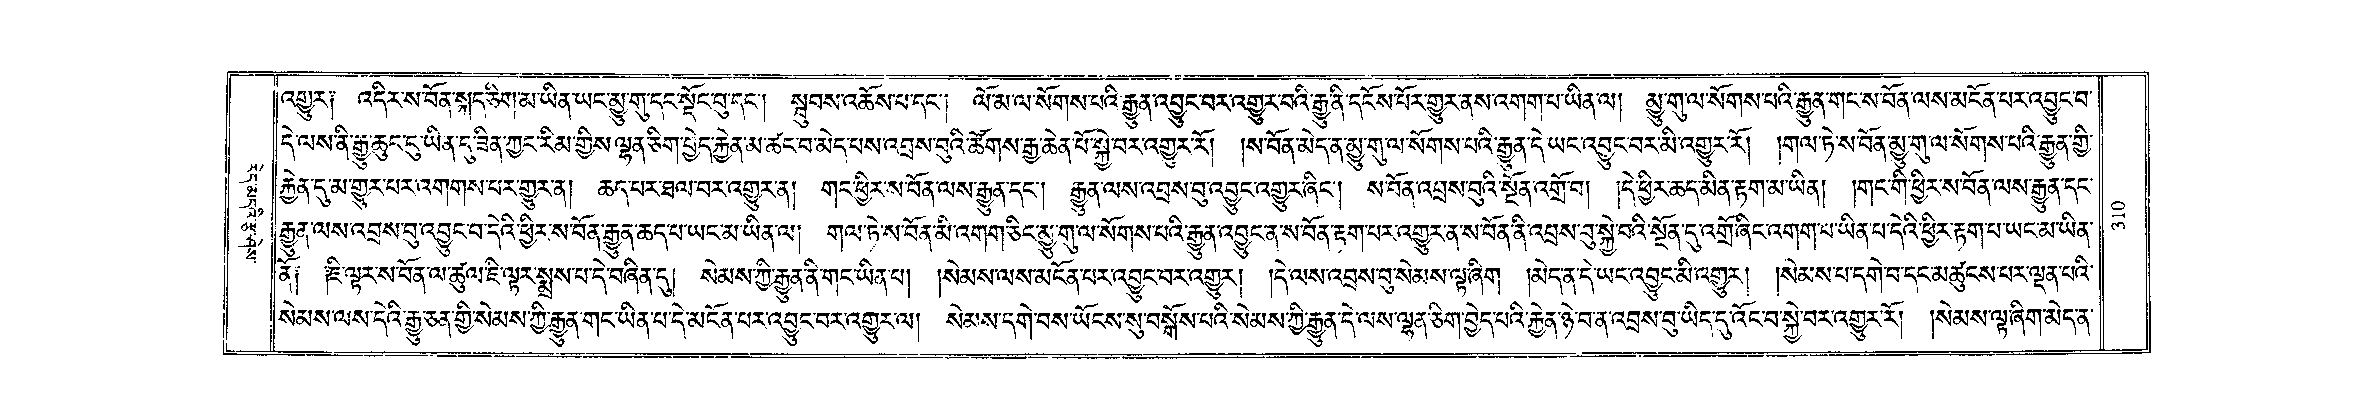འགྱུར༑ འདིར་ས་བོན་སྐད་ཅིག་མ་ཡིན་ཡང་མྱུ་གུ་དང་སྡོང་བུ་དང་། སྦུབས་འཆོས་པ་དང་། ལོ་མ་ལ་སོགས་པའི་རྒྱུན་འབྱུང་བར་འགྱུར་བའི་རྒྱུ་ནི་དངོས་པོར་གྱུར་ནས་འགག་པ་ཡིན་ལ། མྱུ་གུ་ལ་སོགས་པའི་རྒྱུན་གང་ས་བོན་ལས་མངོན་པར་འབྱུང་བ་
དེ་ལས་ནི་རྒྱུ་ཆུང་ངུ་ཡིན་དུ་ཟིན་ཀྱང་རིམ་གྱིས་ལྷན་ཅིག་བྱེད་རྐྱེན་མ་ཚང་བ་མེད་པས་འབྲས་བུའི་ཚོགས་རྒྱ་ཆེན་པོ་སྐྱེ་བར་འགྱུར་རོ། །ས་བོན་མེད་ན་མྱུ་གུ་ལ་སོགས་པའི་རྒྱུན་དེ་ཡང་འབྱུང་བར་མི་འགྱུར་རོ། །གལ་ཏེ་ས་བོན་མྱུ་གུ་ལ་སོགས་པའི་རྒྱུན་གྱི་
རྐྱེན་དུ་མ་གྱུར་པར་འགགས་པར་གྱུར་ན། ཆད་པར་ཐལ་བར་འགྱུར་ན། གང་ཕྱིར་ས་བོན་ལས་རྒྱུན་དང་། རྒྱུན་ལས་འབྲས་བུ་འབྱུང་འགྱུར་ཞིང་། ས་བོན་འབྲས་བུའི་སྔོན་འགྲོ་བ། །དེ་ཕྱིར་ཆད་མིན་རྟག་མ་ཡིན། །གང་གི་ཕྱིར་ས་བོན་ལས་རྒྱུན་དང་
རྒྱུན་ལས་འབྲས་བུ་འབྱུང་བ་དེའི་ཕྱིར་ས་བོན་རྒྱུན་ཆད་པ་ཡང་མ་ཡིན་ལ། གལ་ཏེ་ས་བོན་མི་འགག་ཅིང་མྱུ་གུ་ལ་སོགས་པའི་རྒྱུན་འབྱུང་ན་ས་བོན་རྟག་པར་འགྱུར་ན་ས་བོན་ནི་འབྲས་བུ་སྐྱེ་བའི་སྔོན་དུ་འགྲོ་ཞིང་འགག་པ་ཡིན་པ་དེའི་ཕྱིར་རྟག་པ་ཡང་མ་ཡིན་
ནོ༑ ༑ཇི་ལྟར་ས་བོན་ལ་ཚུལ་ཇི་ལྟར་སྨྲས་པ་དེ་བཞིན་དུ། སེམས་ཀྱི་རྒྱུན་ནི་གང་ཡིན་པ། །སེམས་ལས་མངོན་པར་འབྱུང་བར་འགྱུར། །དེ་ལས་འབྲས་བུ་སེམས་ལྟ་ཞིག །མེད་ན་དེ་ཡང་འབྱུང་མི་འགྱུར། །སེམས་པ་དགེ་བ་དང་མཚུངས་པར་ལྡན་པའི་
སེམས་ལས་དེའི་རྒྱུ་ཅན་གྱི་སེམས་ཀྱི་རྒྱུན་གང་ཡིན་པ་དེ་མངོན་པར་འབྱུང་བར་འགྱུར་ལ། སེམས་དགེ་བས་ཡོངས་སུ་བསྒོས་པའི་སེམས་ཀྱི་རྒྱུན་དེ་ལས་ལྷན་ཅིག་བྱེད་པའི་རྐྱེན་ཉེ་བ་ན་འབྲས་བུ་ཡིད་དུ་འོང་བ་སྐྱེ་བར་འགྱུར་རོ། །སེམས་ལྟ་ཞིག་མེད་ན་